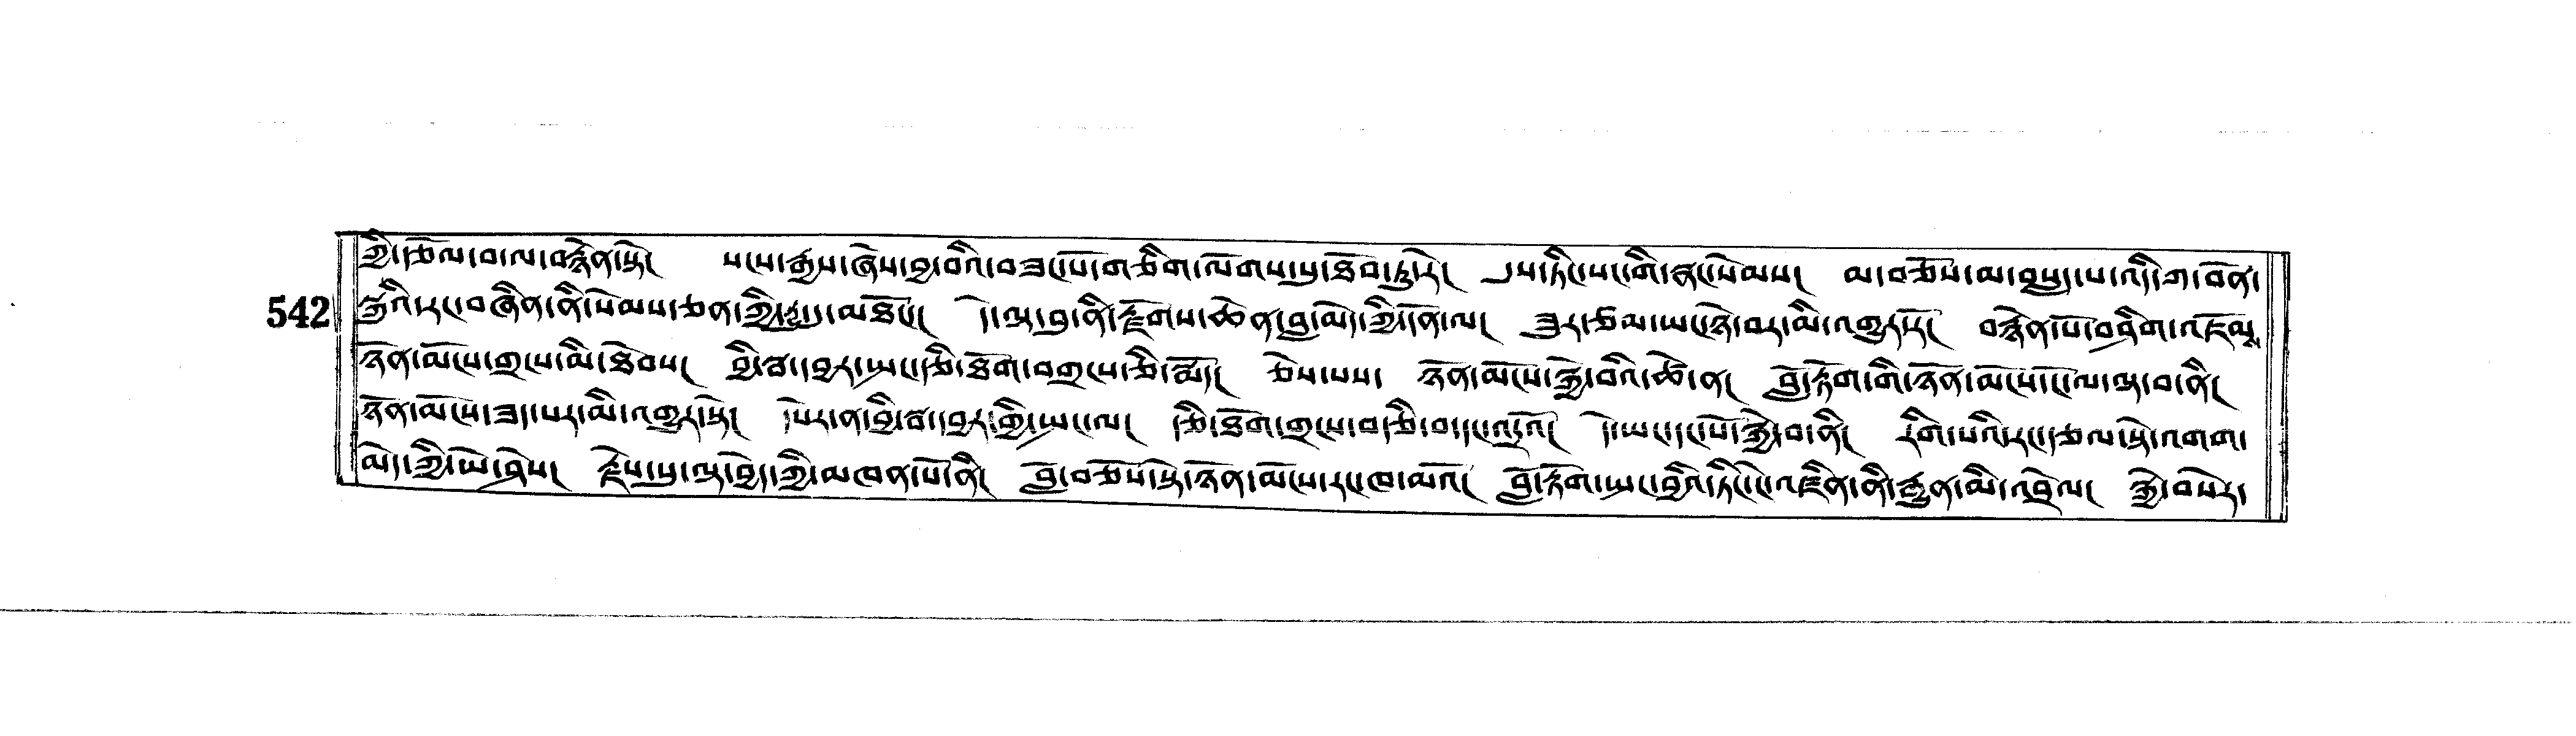ཀྱི་རྩོལ་བ་ལ་བརྙེན་ཏེ། སངས་རྒྱས་ཞེས་བྱ་བའི་བཟང་པོ་ཞིག་ལོགས་སུ་ཐོབ་ཏུ་རེ། དུས་དེང་སང་གི་སྣང་སེམས་མ་བཅོས་མ་བསླད་པ་འདི་ཀ་བོན་
སྐུའི་རང་བཞིན་ནི་སེམས་ཅན་གྱི་རྒྱུ་རུ་མཐོང་། དེ་ལྟ་བུ་ནི་རྫོགས་ཆེན་བླ་མེད་ཀྱི་དོན་ལ། ཟུར་ཙམ་ཡང་ཉེ་བར་མི་འགྱུར་རོ། གཉེན་པོ་བཤིགས་འཇོག་
ཉོན་མོངས་གྲངས་མི་ཐེབས། བྱི་སྦ་དབྱར་སྤང་རྩི་ཐོག་བགྲང་ཅི་སྨོད། ཅེས་པས། ཉོན་མོངས་སྐྱེ་བའི་ཚེ་ན་བློ་རྟོག་གི་ཉོན་མོངས་ངོ་ལ་བལྟ་བ་ནི། 
ཉོན་མོངས་ཟད་པར་མི་འགྱུར་ཏེ། དཔེར་ན་བྱི་སྦ་དབྱར་གྱི་སྤང་ལ། རྩི་ཐོག་གྲངས་བརྩི་བ་དང་འདྲའོ། དེ་ཡང་དང་པོ་སྐྱེ་བ་ནི། རིག་པའི་རང་རྩལ་ཏེ་འགག་
མེད་ཀྱི་ཡེ་ཤེས། རྗེས་སུ་ལྟ་བྱེད་ཀྱི་མཁན་པོ་ནི། བློ་བཅོས་ཏེ་ཉོན་མོངས་རང་ཁ་མའོ། བློ་རྟོག་སྤང་བྱའི་ཏིང་ངེ་འཛིན་ནི་རྒྱུན་མི་འབྲེལ། སྐྱེ་བསེར་